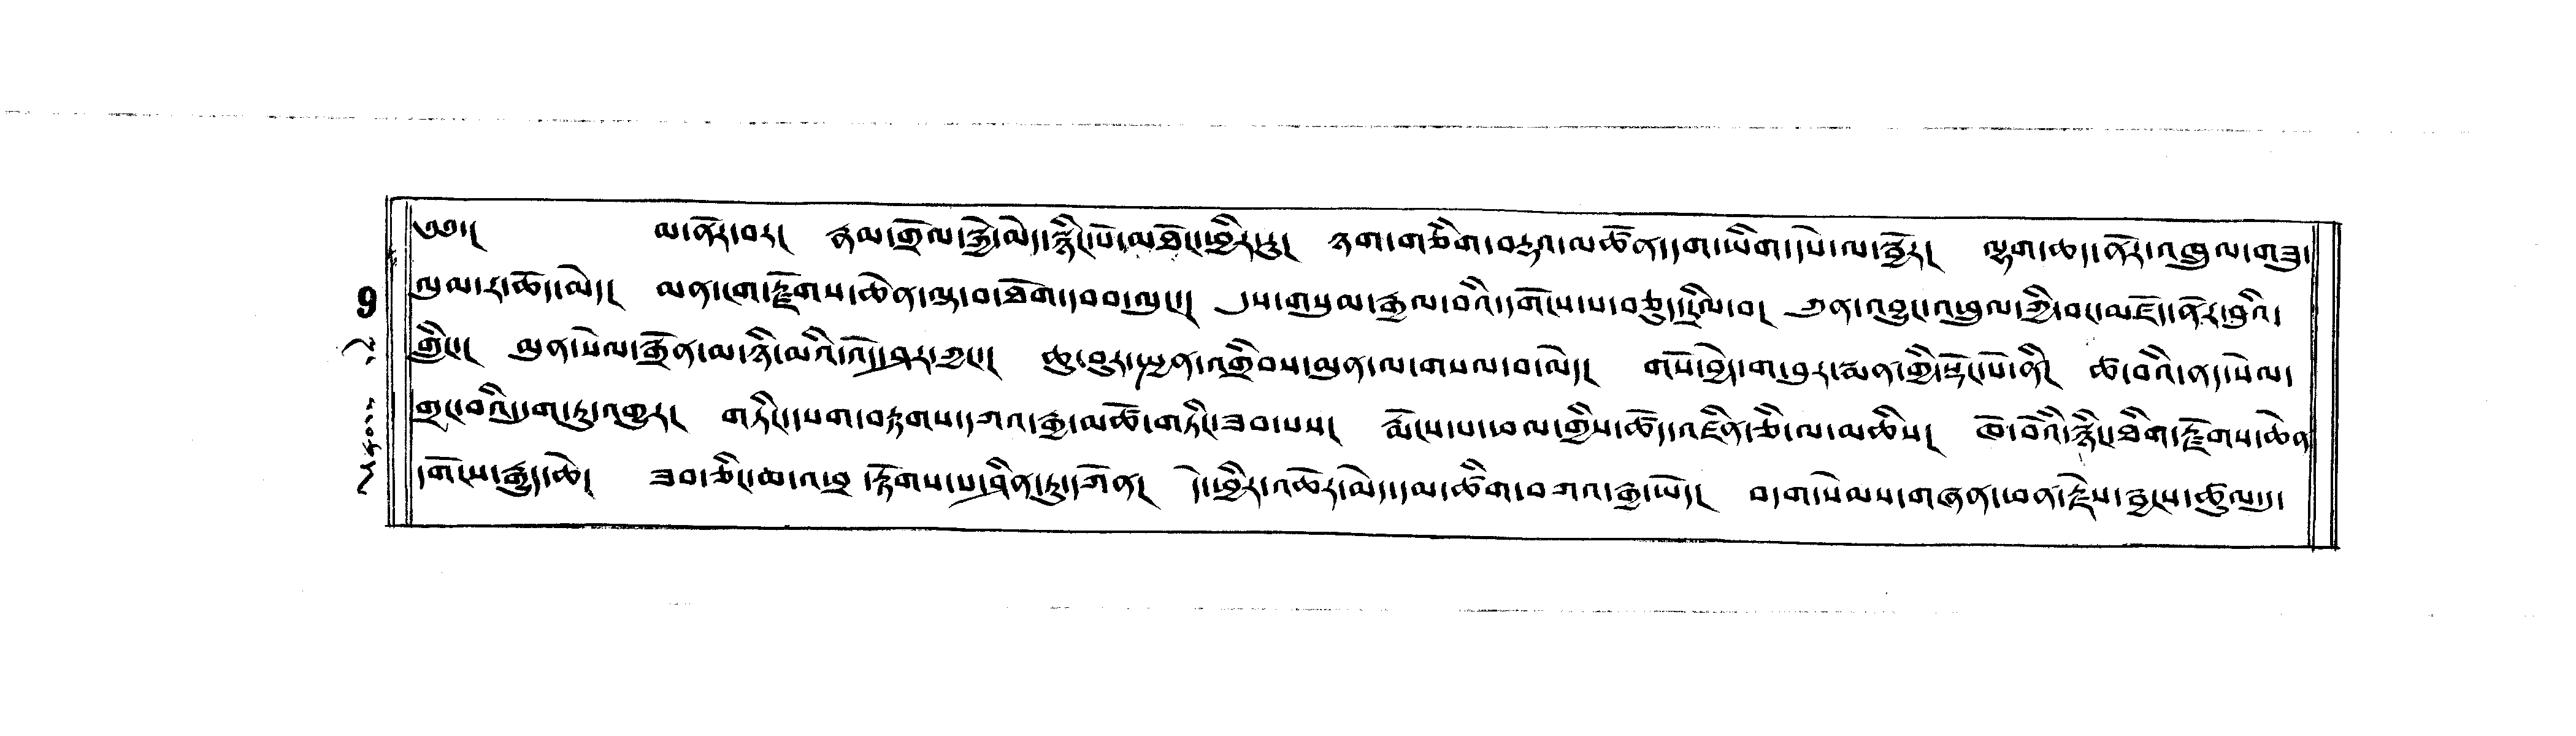མ་ནོར་བར། རྣམ་གྲོལ་སྐྱེ་མེད་སྙིང་པོ་མཐོང་ཕྱིར་དུ། ཉག་ཅིག་བརྡ་མཚོན་དག་ཡིན་དཔེ་ལ་སྦྱོར། ལྷག་ཆད་ནོར་འཁྲུལ་གཟུ་
ལུམ་ར་ཆོད་མེད། མན་ངག་རྫོགས་ཆེན་ལྟ་བ་ཐོག་དབབ་ལུང་། དུས་གསུམ་རྒྱལ་བའི་དགོངས་པ་བཅུད་དྲིལ་བ། ཀུན་འབྱུང་འཕྲུལ་གྱི་བང་མཛོད་ནོར་བུའི་
གླིང་། མུན་སེལ་སྒྲོན་མ་ཉི་མའི་འོད་ཤར་ཀྱང་། ཆུ་བུར་སྤྱན་འགྲིབས་མུན་པ་གསལ་བ་མེད། གསོ་བྱེད་ག་པུར་སྨན་གྱི་སྡོང་པོ་ནི། ཚ་བའི་ནད་སེལ་
གྲང་བའི་དུག་ཏུ་འགྱུར། གཏིང་དཔག་བརྟག་དཀའ་རྒྱ་མཚོ་གཏིང་ཟབ་པས། རྨོངས་པ་ཕལ་གྱིས་ཚོད་འཛིན་ཅི་ལ་མཆིས། ཁོ་བོའི་སྙིང་ཐིག་རྫོགས་ཆེན་
དགོངས་རྒྱུད་ཆེ། ཟབ་ཅིང་ཆ་འཕྲ་རྟོགས་པ་ཤིན་ཏུ་དཀོན། དེ་ཕྱིར་འཆོར་མེད་དམ་ཚིག་བཀའ་རྒྱ་ཡོད། བདག་སེམས་གཞན་ཕན་རྗེས་སྦྱངས་ཚུལ་དུ་